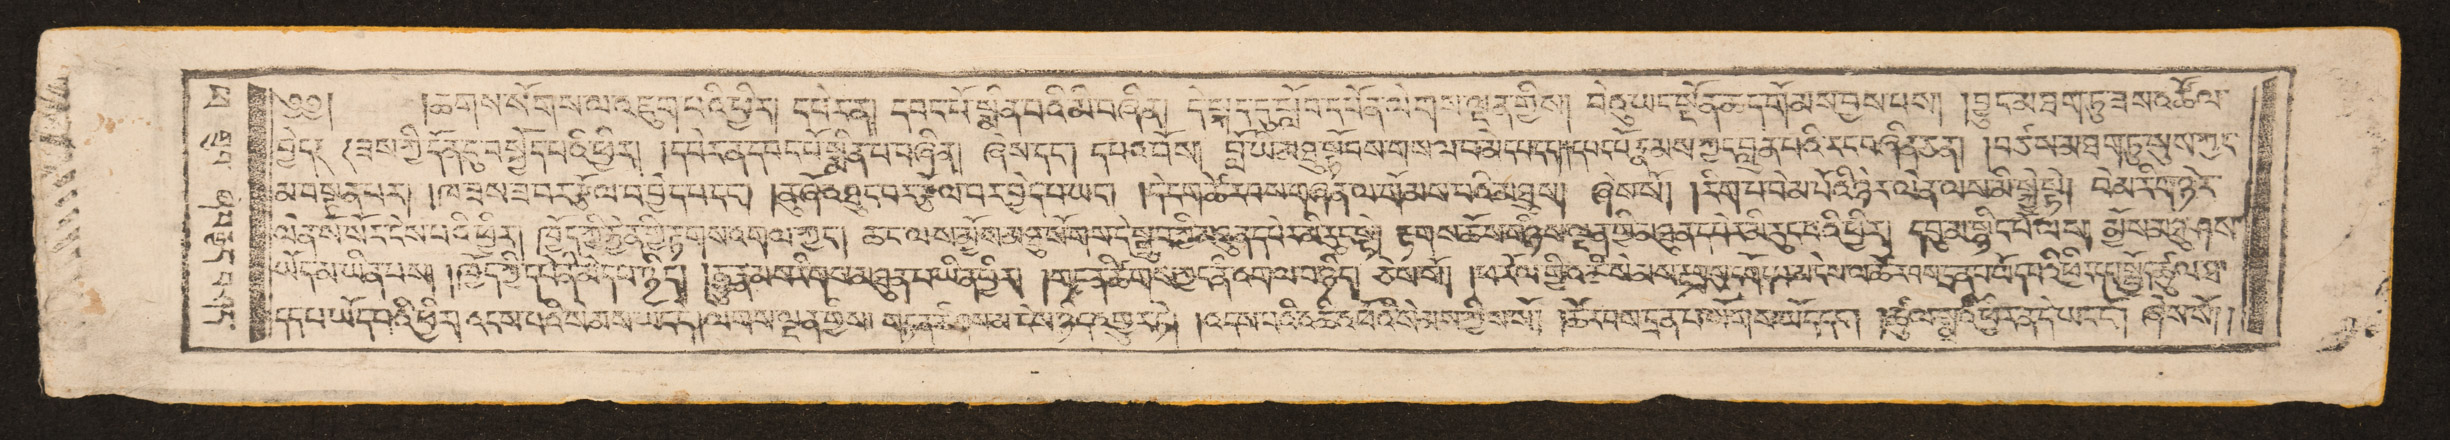༄༅། །ཆགས་སོགས་ལ་འཇུག་པའི་ཕྱིར། དཔེར་ན། དབང་པོ་སྨིན་པའི་མི་བཞིན། དེ་སྐད་དུ་སློབ་དཔོན་ལེགས་ལྡན་གྱིས། བེའུ་ཡང་སྔོན་ཆད་གོམས་བྱས་པས། །བྱུང་མ་ཐག་ཏུ་ཟས་འཚོལ་
བྱེད༑ ༑ཟས་ཀྱི་དོན་དུ་བསྐྱོད་པའི་ཕྱིར། །དཔེར་ན་དབང་པོ་སྨིན་པ་བཞིན། ཞེས་དང་། དཔའ་བོས། བློ་ཡི་མཐུ་སྟོབས་གསལ་བ་མེད་པ་དང་། །དབང་པོ་རྣམས་ཀྱང་བླུན་པའི་རང་བཞིན་ཅན། །བཙས་མ་ཐག་ཏུ་སུས་ཀྱང་
མ་བསྟན་པར། །ཁ་ཟས་ཟ་པར་རྩོལ་བ་བྱེད་པ་དང་། །ནུ་ཞོ་འཐུང་བར་རྩོལ་བར་བྱེད་པ་ཡང་། །དེ་དག་ཚེ་རབས་གཞན་ལ་གོམས་པའི་མཐུས། ཞེས་སོ། །རིག་པ་བེམ་པོའི་ཉེར་ལེན་ལས་མི་སྐྱེ་སྟེ། བེམ་རིག་ཉེར་
ལེན་སོ་སོར་ངེས་པའི་ཕྱིར། ཁྱོད་ཀྱི་རྐྱེན་གྱི་རྟགས་འགལ་ཀྱང་། ཆང་ལས་མྱོས་མཐུ་སོགས་དེ་སྒྲུབ་ཀྱི་མཐུན་དཔེར་མི་རུང་སྟེ། རྟགས་ཆོས་གཉིས་ལྡན་གྱི་མཐུན་དཔེར་མི་རུང་བའི་ཕྱིར། དབུ་མ་སྙིང་པོ་ལས། མྱོས་མཐུ་ཤས་
ཡོད་མ་ཡིན་པས། །ཁྱོད་ཀྱི་དཔེ་ནི་མེད་པ་ཉིད། །རྒྱུ་རྣམས་རིགས་མཐུན་པ་ཡིན་ཕྱིར། །གཏན་ཚིགས་ཀྱང་ནི་འགལ་བ་ཉིད། ཅེས་སོ། །ཕ་རོལ་གྱི་འཆི་སེམས་རྟགས་སུ་དགོང་བ་མ་ངེས་ལ་ཚེ་རབས་དྲན་པ་ཡོད་པའི་ཕྱིར་དང་། སྤྱོད་ཚུལ་ཐ་
དད་པ་ཡོད་པའི་ཕྱིར། འདས་པའི་སེམས་ཡོད་དེ། ལེགས་ལྡན་གྱིས། གཏན་ཚིགས་མ་ངེས་ཉིད་འགྱུར་ཏེ། །འདས་པའི་འཆི་འཕོའི་སེམས་ཀྱིས་སོ། །ཚེ་རབས་དྲན་པ་སོགས་ཡོད་དང་། །ཚུལ་སྒྲུའི་ཕྱིར་ན་དེ་ཡང་ངོ། ཞེས་སོ། །